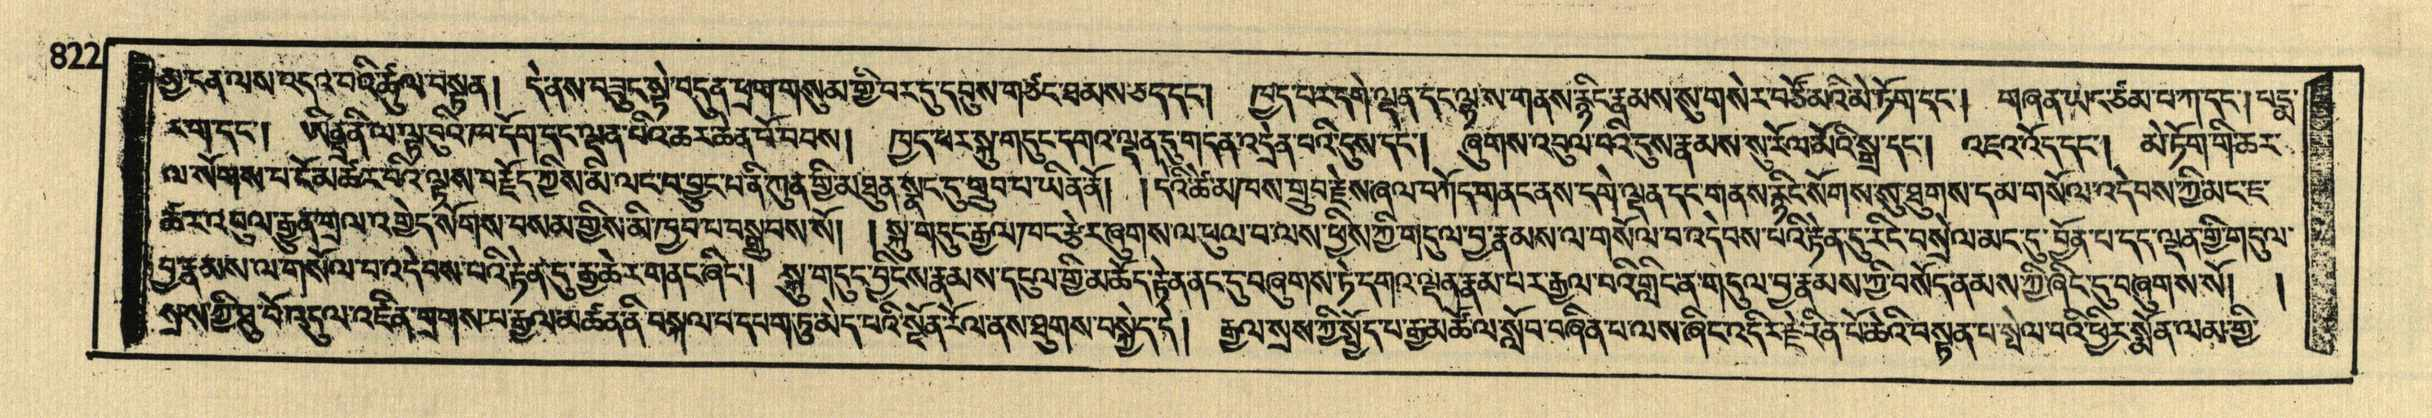མྱ་ངན་ལས་འདའ་བའི་ཚུལ་བསྟན། དེ་ནས་བཟུང་སྟེ་བདུན་ཕྲག་གསུམ་གྱི་བར་དུ་དབུས་གཙང་ཐམས་ཅད་དང་། ཁྱད་པར་དགེ་ལྡན་དང་ལྷ་ས་གནས་རྙིང་རྣམས་སུ་གསེར་བཙོ་མའི་མེ་ཏོག་དང་། གཞན་ཡང་ཙམ་པ་ཀ་དང་། པདམ་
ར་ག་དང་། ཨིནྡྲ་ནི་ལ་ལྟ་བུའི་ཁ་དོག་དང་ལྡན་པའི་ཆར་ཆེན་པོ་བབས། ཁྱད་པར་སྐུ་གདུང་དགའ་ལྡན་དུ་གདན་འདྲེན་པའི་དུས་དང་། ཞུགས་འབུལ་བའི་དུས་རྣམས་སུ་རོལ་མོའི་སྒྲ་དང་། འཇའ་འོད་དང་། མེ་ཏོག་གི་ཆར་
ལ་སོགས་པ་ངོ་མཚར་བའི་ལྟས་བརྗོད་ཀྱིས་མི་ལང་བ་བྱུང་པ་ནི་ཀུན་གྱི་མཐུན་སྣང་དུ་གྲུབ་པ་ཡིན་ནོ། །དེའི་ཚེ་མཁས་གྲུབ་རྗེས་ཞལ་བཀོད་གནང་ནས་དགེ་ལྡན་དང་གནས་རྙིང་སོགས་སུ་ཐུགས་དམ་གསོལ་འདེབས་ཀྱི་མང་ཇ་
ཚར་འབུལ་རྒྱུན་གྲལ་འགྱེད་སོགས་བསམ་གྱིས་མི་ཁྱབ་པ་བསྒྲུབས་སོ། །སྐུ་གདུང་རྒྱལ་ཁང་རྩེར་ཞུགས་ལ་ཕུལ་བ་ལས་ཕྱིས་ཀྱི་གདུལ་བྱ་རྣམས་ལ་གསོལ་བ་འདེབས་པའི་རྟེན་དུ་རིང་བསྲེལ་མང་དུ་བྱོན་པ་དད་ལྡན་གྱི་གདུལ་
བྱ་རྣམས་ལ་གསོལ་བ་འདེབས་པའི་རྟེན་དུ་རྒྱ་ཆེར་གནང་ཞིང་། སྐུ་གདུང་བྱིངས་རྣམས་དངུལ་གྱི་མཆོད་རྟེན་ནང་དུ་བཞུགས་ཏེ་དགའ་ལྡན་རྣམ་པར་རྒྱལ་བའི་གླིང་ན་གདུལ་བྱ་རྣམས་ཀྱི་བསོད་ནམས་ཀྱི་ཞིང་དུ་བཞུགས་སོ། །
སྲས་ཀྱི་ཐུ་བོ་འདུལ་འཛིན་གྲགས་པ་རྒྱལ་མཚན་ནི་བསྐལ་པ་དཔག་ཏུ་མེད་པའི་སྔོན་རོལ་ནས་ཐུགས་བསྐྱེད་དེ། རྒྱལ་སྲས་ཀྱི་སྤྱོད་པ་རྒྱ་མཚོ་ལ་སློབ་བཞིན་པ་ལས་ཞིང་འདིར་རྗེ་རིན་པོ་ཆེའི་བསྟན་པ་སྤེལ་བའི་ཕྱིར་སྨོན་ལམ་གྱི་